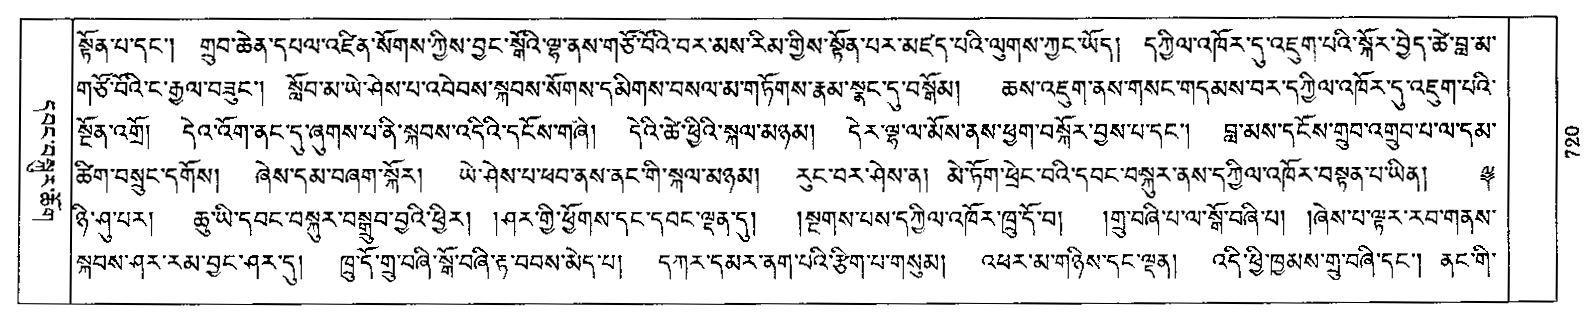སྟོན་པ་དང་། གྲུབ་ཆེན་དཔལ་འཛིན་སོགས་ཀྱིས་བྱང་སྒོའི་ལྷ་ནས་གཙོ་བོའི་བར་མས་རིམ་གྱིས་སྟོན་པར་མཛད་པའི་ལུགས་ཀྱང་ཡོད། དཀྱིལ་འཁོར་དུ་འཇུག་པའི་སྐོར་བྱེད་ཚེ་བླ་མ་
གཙོ་བོའི་ང་རྒྱལ་བཟུང་། སློབ་མ་ཡེ་ཤེས་པ་འབེབས་སྐབས་སོགས་དམིགས་བསལ་མ་གཏོགས་རྣམ་སྣང་དུ་བསྒོམ། ཆས་འཇུག་ནས་གསང་གདམས་བར་དཀྱིལ་འཁོར་དུ་འཇུག་པའི་
སྔོན་འགྲོ། དེའ་འོག་ནང་དུ་ཞུགས་པ་ནི་སྐབས་འདིའི་དངོས་གཞི། དེའི་ཚེ་ཕྱིའི་སྐལ་མཉམ། དེར་ལྷ་ལ་མོས་ནས་ཕྱག་བསྐོར་བྱས་པ་དང་། བླ་མས་དངོས་གྲུབ་འགྲུབ་པ་ལ་དམ་
ཚིག་བསྲུང་དགོས། ཞེས་དམ་བཞག་སྐོར། ཡེ་ཤེས་པ་ཕབ་ནས་ནང་གི་སྐལ་མཉམ། རུང་བར་ཤེས་ན། མེ་ཏོག་ཕྲེང་བའི་དབང་བསྐུར་ནས་དཀྱིལ་འཁོར་བསྟན་པ་ཡིན། ༈
ཉི་ཤུ་པར། ཆུ་ཡི་དབང་བསྐུར་བསྒྲུབ་བྱའི་ཕྱིར། །ཤར་གྱི་ཕྱོགས་དང་དབང་ལྡན་དུ། །སྔགས་པས་དཀྱིལ་འཁོར་ཁྲུ་དོ་བ། །གྲུ་བཞི་པ་ལ་སྒོ་བཞི་པ། །ཞེས་པ་ལྟར་རབ་གནས་
སྐབས་ཤར་རམ་བྱང་ཤར་དུ། ཁྲུ་དོ་གྲུ་བཞི་སྒོ་བཞི་རྟ་བབས་མེད་པ། དཀར་དམར་ནག་པའི་རྩིག་པ་གསུམ། འཕར་མ་གཉིས་དང་ལྡན། འདི་ཕྱི་ཁྱམས་གྲུ་བཞི་དང་། ནང་